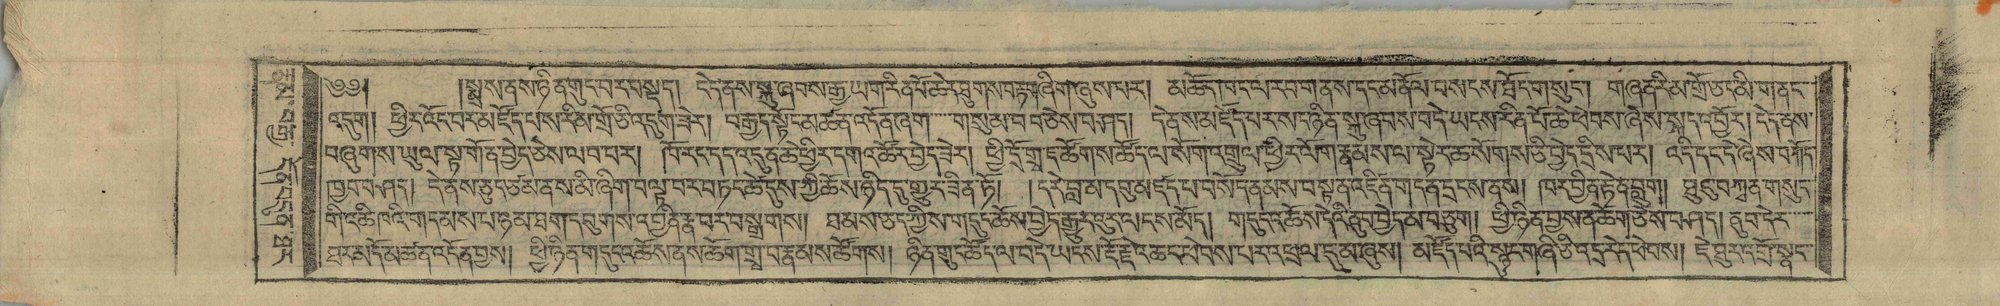༄༅། །སྨྲས་ནས་ཉིན་གུང་བར་བསྡད། ངེད་ནས་སྐུ་ཞབས་རྒྱ་ཡག་རིན་པོ་ཆེར་ཐུགས་བརྟག་ཞིག་ཞུས་པར། མཆོད་ཁང་ལ་རབ་གནས་དང་མནོལ་བསངས་ཐོང་གསུང་། གཞན་རིམ་གྲོ་ཅང་མི་གནང་
འདུག །ཕྱིར་འོང་བར་མཛོད་པས་རིམ་གྲོ་ཅི་འདུག་ཟེར། བརྒྱད་སྟོང་མཚན་འདོན་ཞག་གསུམ་པ་བཅེས་བཤད། དེ་ནས་མཛེད་པར་སང་ཉིན་སྐུ་ཞབས་བདེ་ཡངས་རིན་པོ་ཆེ་ཕེབས་ཞེས་སྐད་འབྱོར། ངེད་ནས་
བཞུགས་ཡུལ་སྟ་གོན་བྱེད་ཅེས་ལབ་པར། ཁོ་རང་དད་འདུན་ཆེ་ཕྱིར་དགའ་ཚོར་བྱེད་ཟེར། ཕྱི་དྲོ་གྲྭ་ཇ་ཚོགས་ཚོད་ལ་སོག་འགྲུལ་ཕྱིར་ལོག་རྣམས་ལ་སྟེར་ཆ་སོགས་ཅི་བྱེད་དྲིས་པར། འདི་དང་དེ་ཞེས་བཀོད་
ཁྱབ་བཤད། དེ་ནས་ཅུད་ཙམ་ནས་མི་ཞིག་བལྟ་བར་བཏང་ཚེ་དུས་ཀྱི་ཆོས་ཉིད་དུ་གྱུར་ཟིན་ཏོ། །དེར་བླ་མ་དབུ་མཛད་པ་བསོད་ནམས་བསྟན་འཛིན་གདན་དྲངས་ནས། ཁར་བྱིན་རྟེན་བླུག །ཐུའུ་བཀྭན་གསུང་
གི་འཆི་ཁའི་གདམས་པ་ཉམ་ཐག་དབུགས་འབྱིན་རྣ་བར་བསྒྲགས། ཐམས་ཅད་ཀྱིས་གདུང་ཆོས་བྱེད་རྒྱུར་འུར་ལངས་མོད། གདུང་འཆོས་དེའི་ནུབ་བྱེད་མ་བཅུག །ཕྱི་ཉིན་བྱས་ན་ཆོག་ཅེས་བཤད། ནུབ་དེར་
ཐར་མདོ་མཚན་འདོན་བྱས། ཕྱི་ཉིན་གདུང་འཆོས་ནས་ཆོག་གྲྭ་བ་རྣམས་ཚོགས། ཉིན་གུང་ཚོད་ལ་བདེ་ཡངས་རྡོ་རྗེ་འཆང་ཕེབས་པར་འཕྲལ་དུ་མ་ཞུས། མཛོད་པའི་སྙུང་གཞི་ཅི་འདྲ་རེད་ཕེབས། དེ་ཐུར་འགྲོ་སྣང་